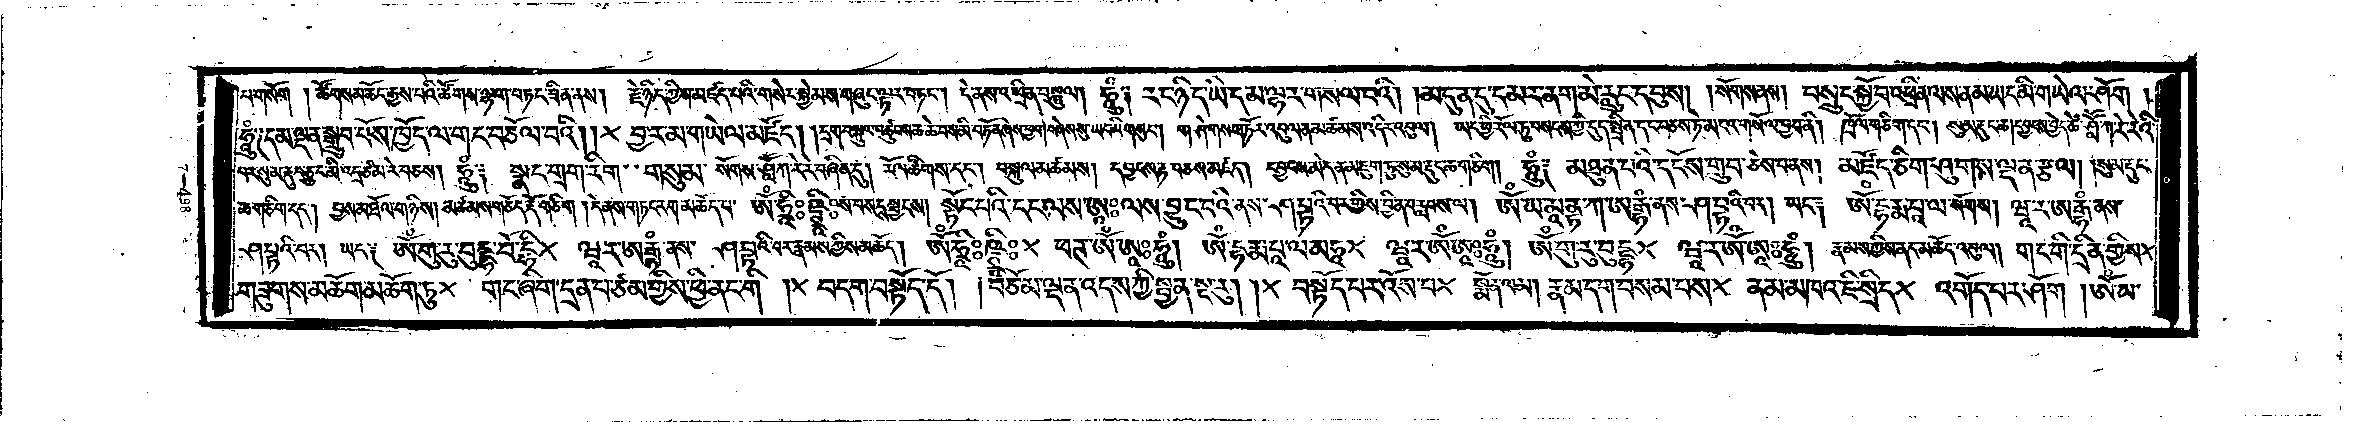པ་གསོག །ཚོགས་མཆོད་རྒྱས་པའི་ཚོགས་ལྷག་བཏང་ཟིན་ནས། རྗེ་ཉིད་ཀྱིས་མཇད་པའི་གསེར་སྐྱེམས་གཞུང་ལྟར་བཏང་། དེ་ནས་འཕྲིན་བསྐུལ། ཧཱུཾ༑ རང་ཉིད་ཡི་དམ་ལྷར་གསལ་བའི། །མདུན་དུ་དམར་ནག་མེ་རླུང་དབུས། །སོགས་ནས།  བསྲུང་སྐྱོབ་འཕྲིན་ལས་ནམ་ཡང་མི་གཡེལ་ཤོག །
ཧཱུཾ༑ དམ་ལྡན་སྒྲུབ་པོས་ཁྱོད་ལ་གང་བཅོལ་བའི། །྾་བྱ་ར་མ་གཡེལ་མཛོད། །དྲག་བསྐུལ་འཚུབས་ཆ་ཆེ་བས་མི་བཏོན་ཞེས་ཕྱག་བཞེས་སུ་ཡང་མི་གསུང་། གཤེགས་གཏོར་འབུལ་ན་མཚམས་འདིར་འབུལ། ཡང་ཕྱི་རོལ་ཏུ་བསངས་ཀྱི་དུད་སྤྲིན་དང་བཅས་ཏེ་མངའ་གསོལ་བྱ་བ་ནི། ཁྲོལ་གཅིག་དང་། སུམ་རྡུང་ཆ། དབྱངས་བྱེད་ཚེ་ཤླཽཀ་རེ་རེའི་
བར་སུམ་རྡུང་ཅུང་མི་འདྲ་ཙམ་རེ་བཅས། ཧཱུཾ༑ སྣང་གྲག་རིག་གསུམ་སོགས་ཤླཽཀ་རེ་རེ་བཞིན་དུ། རོལ་ཚིགས་དང་། བསྐུལ་མཚམས། དབྱངས་རྟ་བཅས་མཛད། དབྱངས་མེད་ན་མཇུག་ཏུ་སུམ་རྡུང་ཆ་གཅིག།  ཧཱུཾ༑ མཐུན་པའི་དངོས་གྲུབ་ཅེས་པ་ནས།  མཛོད་ཅིག་ཤུགས་ལྡན་རྩལ། །སུམ་རྡུང་
ཆ་གཅིག་དང་། བྱས་མཐོལ་གཉིས། མཚམས་གཅོད་རྡོ་གཅིག །དེ་ནས་གཏང་རག་མཆོད་པ་ཨོཾ་ཧྲཱིཿཤྲྟྲཱི་ས་བསངས་སྦྱངས།  སྟོང་པའི་ངང་ལས་ཨཱཿལས་བྱུང་བའི་ནས་ཤཔྟའི་བར་གྱིས་བྱིན་བརླབས་ལ།  ཨོཾ་ཡ་མཱཏྣ་ཀ་ཨརྒྷཾ་ནས་ཤཔྟའི་བར། ཡང༑  ཨོདྷརྨ་པཱ་ལ་སོགས།  ཝཱ་ར་ཨ་རྒྷཾ་ནས་
ཤཔྟའི་བར། ཡང༑ ཨོཾ་གུ་རུ་བདུདྡྷ་བོདྷི་྾་ཝཱར་ཨརྒྷཾ་ནས་ཤཔྟའི་བར་རྣམས་ཀྱིས་མཆོད།  ཨོཾ་ཧྲཱིཿཥྚྲཱིཿ ྾་ཕཊ་ཨོཾ་ཨཱཿཧཱུཾ། ཨོཾ་དྷརྨ་པཱ་ལ་མྷཱ་྾་ཝཱ་ར་ཨོཾ་ཨཱཿཧཱུཾ། ཨོཾ་གུ་རུ་བུདྡྡྷ་྾་ཝཱ་ར་ཨོཾ་ཨཱཿཧཱུཾ། རྣམས་ཀྱིས་ནང་མཆོད་འབུལ།  གང་གི་དྲིན་གྱིས་྾་
གཟུགས་མཆོག་མཆོག་ཏུ་྾་གང་ཞིག་དྲན་བ་ཙམ་གྱིས་ཕྱི་ནང་གི །྾་བདག་བསྟོད་དོ། བཅོམ་ལྡན་འདས་ཀྱི་སྤྱན་སྔ་རུ། །྾་བསྟོད་པར་འོས་པ་྾་སྨོན་ལམ།  རྣམ་དག་བསམ་པས་྾་ནམ་མཁའ་ཇི་སྲིད་྾་འོག་དཔར་ཤོག །ཨོཾ་ཡ་